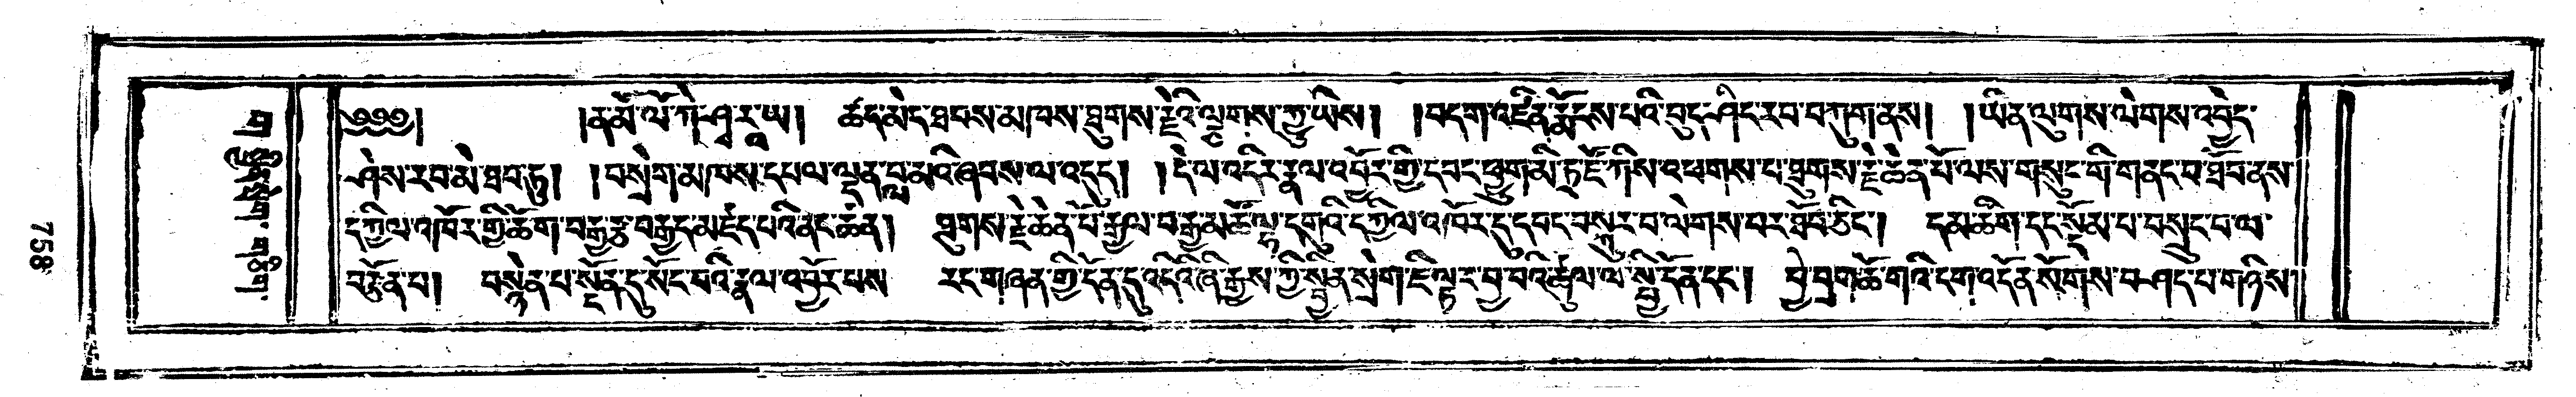༄༅༅། །ན་མོ་ལོ་ཀེ་ཤྭ་རཱ་ཡ། ཚད་མེད་ཐབས་མཁས་ཐུགས་རྗེའི་ལྕགས་ཀྱུ་ཡིས། །བདག་འཛིན་རྨོངས་པའི་བུད་ཤིང་རབ་བཀུག་ནས། །ཡིན་ལུགས་ལེགས་འབྱེད་
ཤེས་རབ་མེ་ཐབ་ཏུ། །བསྲེག་མཁས་དཔལ་ལྡན་བླ་མའི་ཞབས་ལ་འདུད། །དེ་ལ་འདིར་རྣལ་འབྱོར་གྱི་དབང་ཕྱུག་མི་ཏྲ་ཛོ་ཀིས་འཕགས་པ་ཐུགས་རྗེ་ཆེན་པོ་ལས་གསུང་གི་གནང་བ་ཐོབ་ནས་
དཀྱིལ་འཁོར་གྱི་ཆོག་བརྒྱ་རྩ་བརྒྱད་མཛད་པའི་ནང་ཚན། ཐུགས་རྗེ་ཆེན་པོ་རྒྱལ་བ་རྒྱ་མཚོ་ལྷ་དགུའི་དཀྱིལ་འཁོར་དུ་དབང་བསྐུར་བ་ལེགས་པར་ཐོབ་ཅིང་། དམ་ཚིག་དང་སྡོམ་པ་བསྲུང་བ་ལ་
བརྩོན་པ། བསྙེན་པ་སྔོན་དུ་སོང་བའི་རྣལ་འབྱོར་པས། རང་གཞན་གྱི་དོན་དུ་འདིའི་ཞི་རྒྱས་ཀྱི་སྦྱིན་སྲེག་ཇི་ལྟར་བྱ་བའི་ཚུལ་ལ་སྤྱི་དོན་དང་། བྱེ་བྲག་ཆོ་གའི་དག་འདོན་སོགས་བཤད་པ་གཉིས་